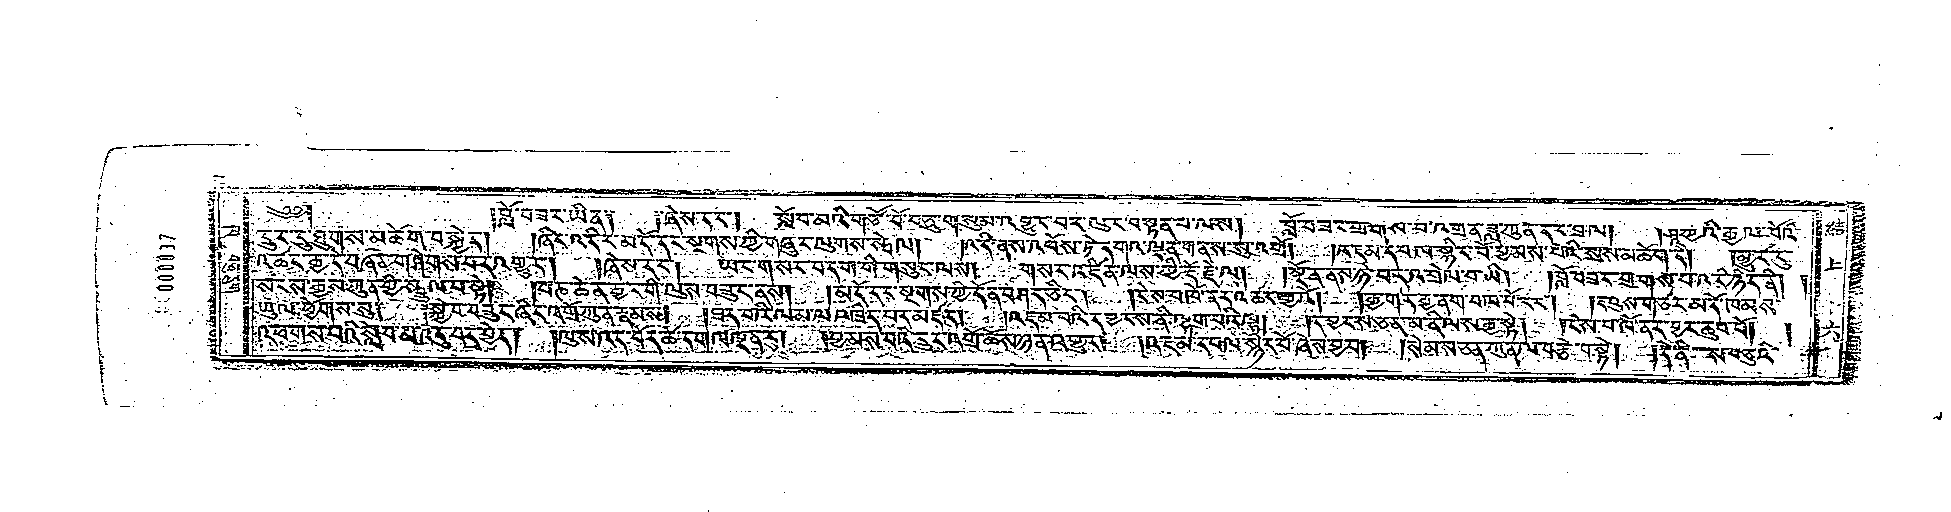༄༅། །བློ་བཟང་ཡིན༑ ༑ཞེས་དང་། སློབ་མའི་གཙོ་བོ་བཅུ་གསུམ་འབྱུང་བར་ལུང་བསྟན་པ་ལས། བློ་བཟང་གྲགས་པ་འགྲན་ཟླ་ཀུན་དང་བྲལ། །ཤཱཀྱའི་རྒྱལ་པོའི་
དྲུང་དུ་ཐུགས་མཆོག་བསྐྱེད། །ཞིང་འདིར་མདོ་དང་སྔགས་ཀྱི་གཞུང་ལུགས་སྤེལ། །འདི་ནས་འཕོས་ཏེ་དགའ་ལྡན་གནས་སུ་འགྲོ། །འཇམ་དཔལ་སྙིང་པོ་བྱམས་པའི་སྲས་མཆོག་དེ། །མྱུར་དུ་
འཚང་རྒྱ་དེ་བཞིན་གཤེགས་པར་འགྱུར། །ཞེས་དང་། ཡང་གསང་བདག་གི་གསུང་ལས། གསང་འཛིན་ལས་ཀྱི་རྡོ་རྗེ་ལ། །སྔོན་ནས་ཉེ་བར་འགྲེལ་པ་ཡི། །བློ་བཟང་གྲགས་པ་འདི་ཉིད་ནི། །
སངས་རྒྱས་ཀུན་གྱི་སྤྲུལ་པ་སྟེ། །པཎ་ཆེན་རྒྱང་གི་ལུས་བཟུང་ནས། །མདོ་དང་སྔགས་ཀྱི་དོན་བཤད་ཅིང་། །ངེས་འཁོ་ནར་འཚང་བྱའོ། །རྒྱ་གར་རྒྱ་ནག་བལ་པོ་དང་། །དབུས་གཙང་མདོ་ཁམས་
ཡུལ་ཕྱོགས་སུ། །སྐྱེ་བ་བཟུང་ཞིང་འགྲོ་ཀུན་རྣམས། །ཐར་བའི་ལམ་ལ་འཁྲིད་པར་མཛད། །འཇམ་པའི་དབྱངས་ནི་ལྷག་པའི་ལྷ། །དབྱངས་ཅན་མ་ནི་ལས་རྒྱ་སྟེ། །ངེས་པ་ཁོ་ནར་བྱང་ཆུབ་བོ། །
འཕགས་པའི་སློབ་མ་འདུ་བར་བྱེད། །ལུས་འདི་བོར་ཚེ་དགའ་ལྡན་དུ། །བྱམས་པའི་དྲུད་འགྲོ་ཆོས་ཉན་འགྱུར། །འཇམ་དཔལ་སྙིང་པོ་ཞེས་བྱ་བ། །སེམས་ཅན་ཀུན་ལ་བརྩེ་བ་སྟེ། །དེ་ནི་ས་བཅུའི་